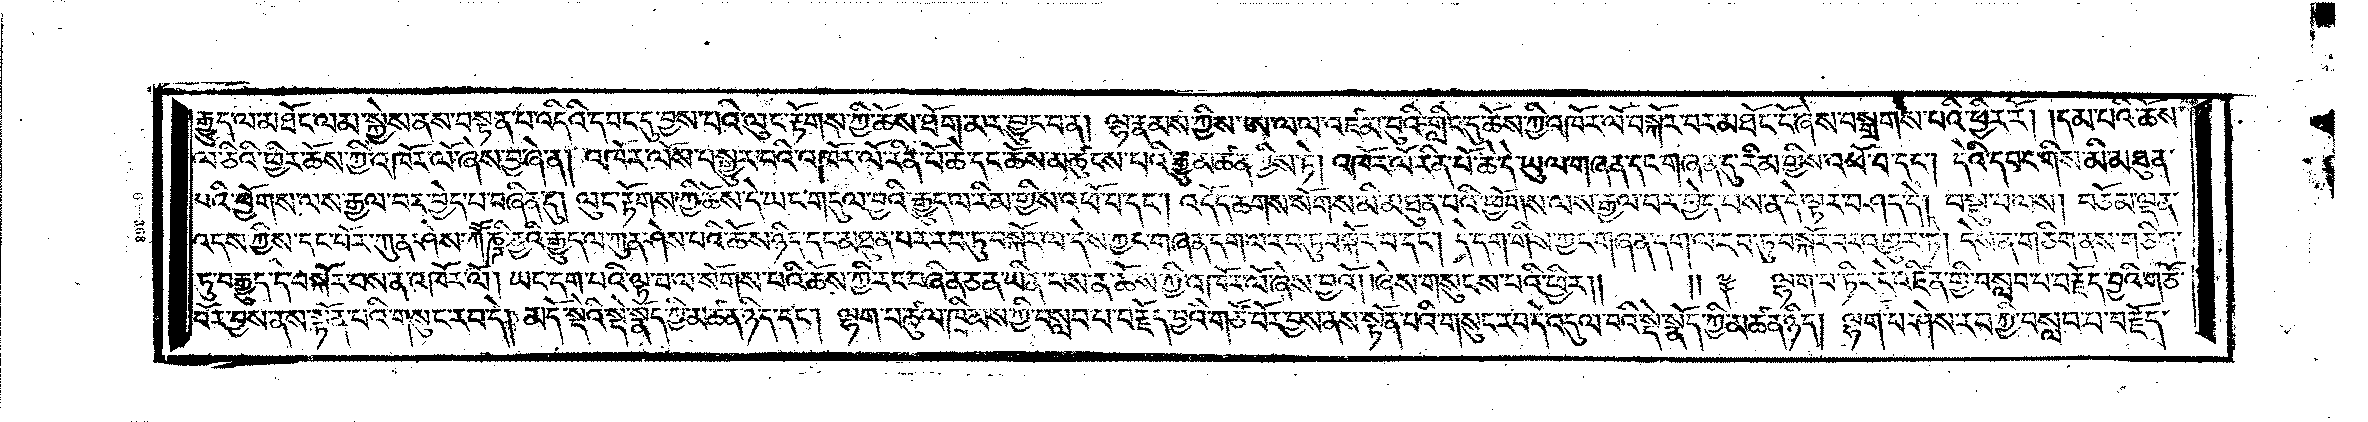རྒྱུད་ལ་མཐོང་ལམ་སྐྱེས་ནས་བསྟན་པ་འདིའི་དབང་དུ་བྱས་པའི་ལུང་རྟོགས་ཀྱི་ཆོས་ཐོག་མར་བྱུང་བ་ན། ལྷ་རྣམས་ཀྱིས་ཨ་ལ་ལ་འཛམ་བུའི་གླིང་དུ་ཆོས་ཀྱི་འཁོར་ལོ་བསྐོར་བར་མཐོང་ངོ་ཞེས་བསྒྲགས་པའི་ཕྱིར་རོ། །དམ་པའི་ཆོས་
ལ་ཅིའི་ཕྱིར་ཆོས་ཀྱི་འཁོར་ལོ་ཞེས་བྱ་ཞེ་ན། འཁོར་ལོས་བསྒྱུར་བའི་འཁོར་ལོ་རིན་པོ་ཆེ་དང་ཆོས་མཚུངས་པའི་རྒྱུ་མཚན་གྱིས་ཏེ། འཁོར་ལོ་རིན་པོ་ཆེ་དེ་ཡུལ་གཞན་དང་གཞན་དུ་རིམ་གྱིས་འཕོ་བ་དང་། དེའི་དབང་གིས་མི་མཐུན་
པའི་ཕྱོགས་ལས་རྒྱལ་བར་བྱེད་པ་བཞིན་དུ། ལུང་རྟོགས་ཀྱི་ཆོས་དེ་ཡང་གདུལ་བྱའི་རྒྱུད་ལ་རིམ་གྱིས་འཕོ་བ་དང་། འདོད་ཆགས་སོགས་མི་མཐུན་པའི་ཕྱོགས་ལས་རྒྱལ་བར་བྱེད་པས་ན་དེ་ལྟར་བཤད་དེ། བསྡུ་བ་ལས། བཅོམ་ལྡན་
འདས་ཀྱིས་དང་པོར་ཀུན་ཤེས་ཀཽཎྜི་ནྱའི་རྒྱུད་ལ་ཀུན་ཤེས་པའི་ཆོས་ཉིད་དང་མཐུན་པར་རབ་ཏུ་བསྐོར་ལ་དེས་ཀྱང་གཞན་དག་ལ་རབ་ཏུ་བསྐོར་བ་དང་། དེ་དག་གིས་ཀྱང་གཞན་དག་ལ་རབ་ཏུ་བསྐོར་བར་འགྱུར་ཏེ། དེས་ན་གཅིག་ནས་གཅིག་
ཏུ་བརྒྱུད་དེ་བསྐོར་བས་ན་འཁོར་ལོ། ཡང་དག་པའི་ལྟ་བ་ལ་སོགས་པའི་ཆོས་ཀྱི་རང་བཞིན་ཅན་ཡིན་པས་ན་ཆོས་ཀྱི་འཁོར་ལོ་ཞེས་བྱའོ། །ཞེས་གསུངས་པའི་ཕྱིར།། །།༈ ལྷག་པ་ཏིང་ངེ་འཛིན་གྱི་བསླབ་པ་བརྗོད་བྱའི་གཙོ་
བོར་བྱས་ནས་སྟོན་པའི་གསུང་རབ་དེ། མདོ་སྡེའི་སྡེ་སྣོད་ཀྱི་མཚན་ཉིད་དང་། ལྷག་པ་ཚུལ་ཁྲིམས་ཀྱི་བསླབ་པ་བརྗོད་བྱའི་གཙོ་བོར་བྱས་ནས་སྟོན་པའི་གསུང་རབ་དེ་འདུལ་བའི་སྡེ་སྣོད་ཀྱི་མཚན་ཉིད། ལྷག་པ་ཤེས་རབ་ཀྱི་བསླབ་པ་བརྗོད་